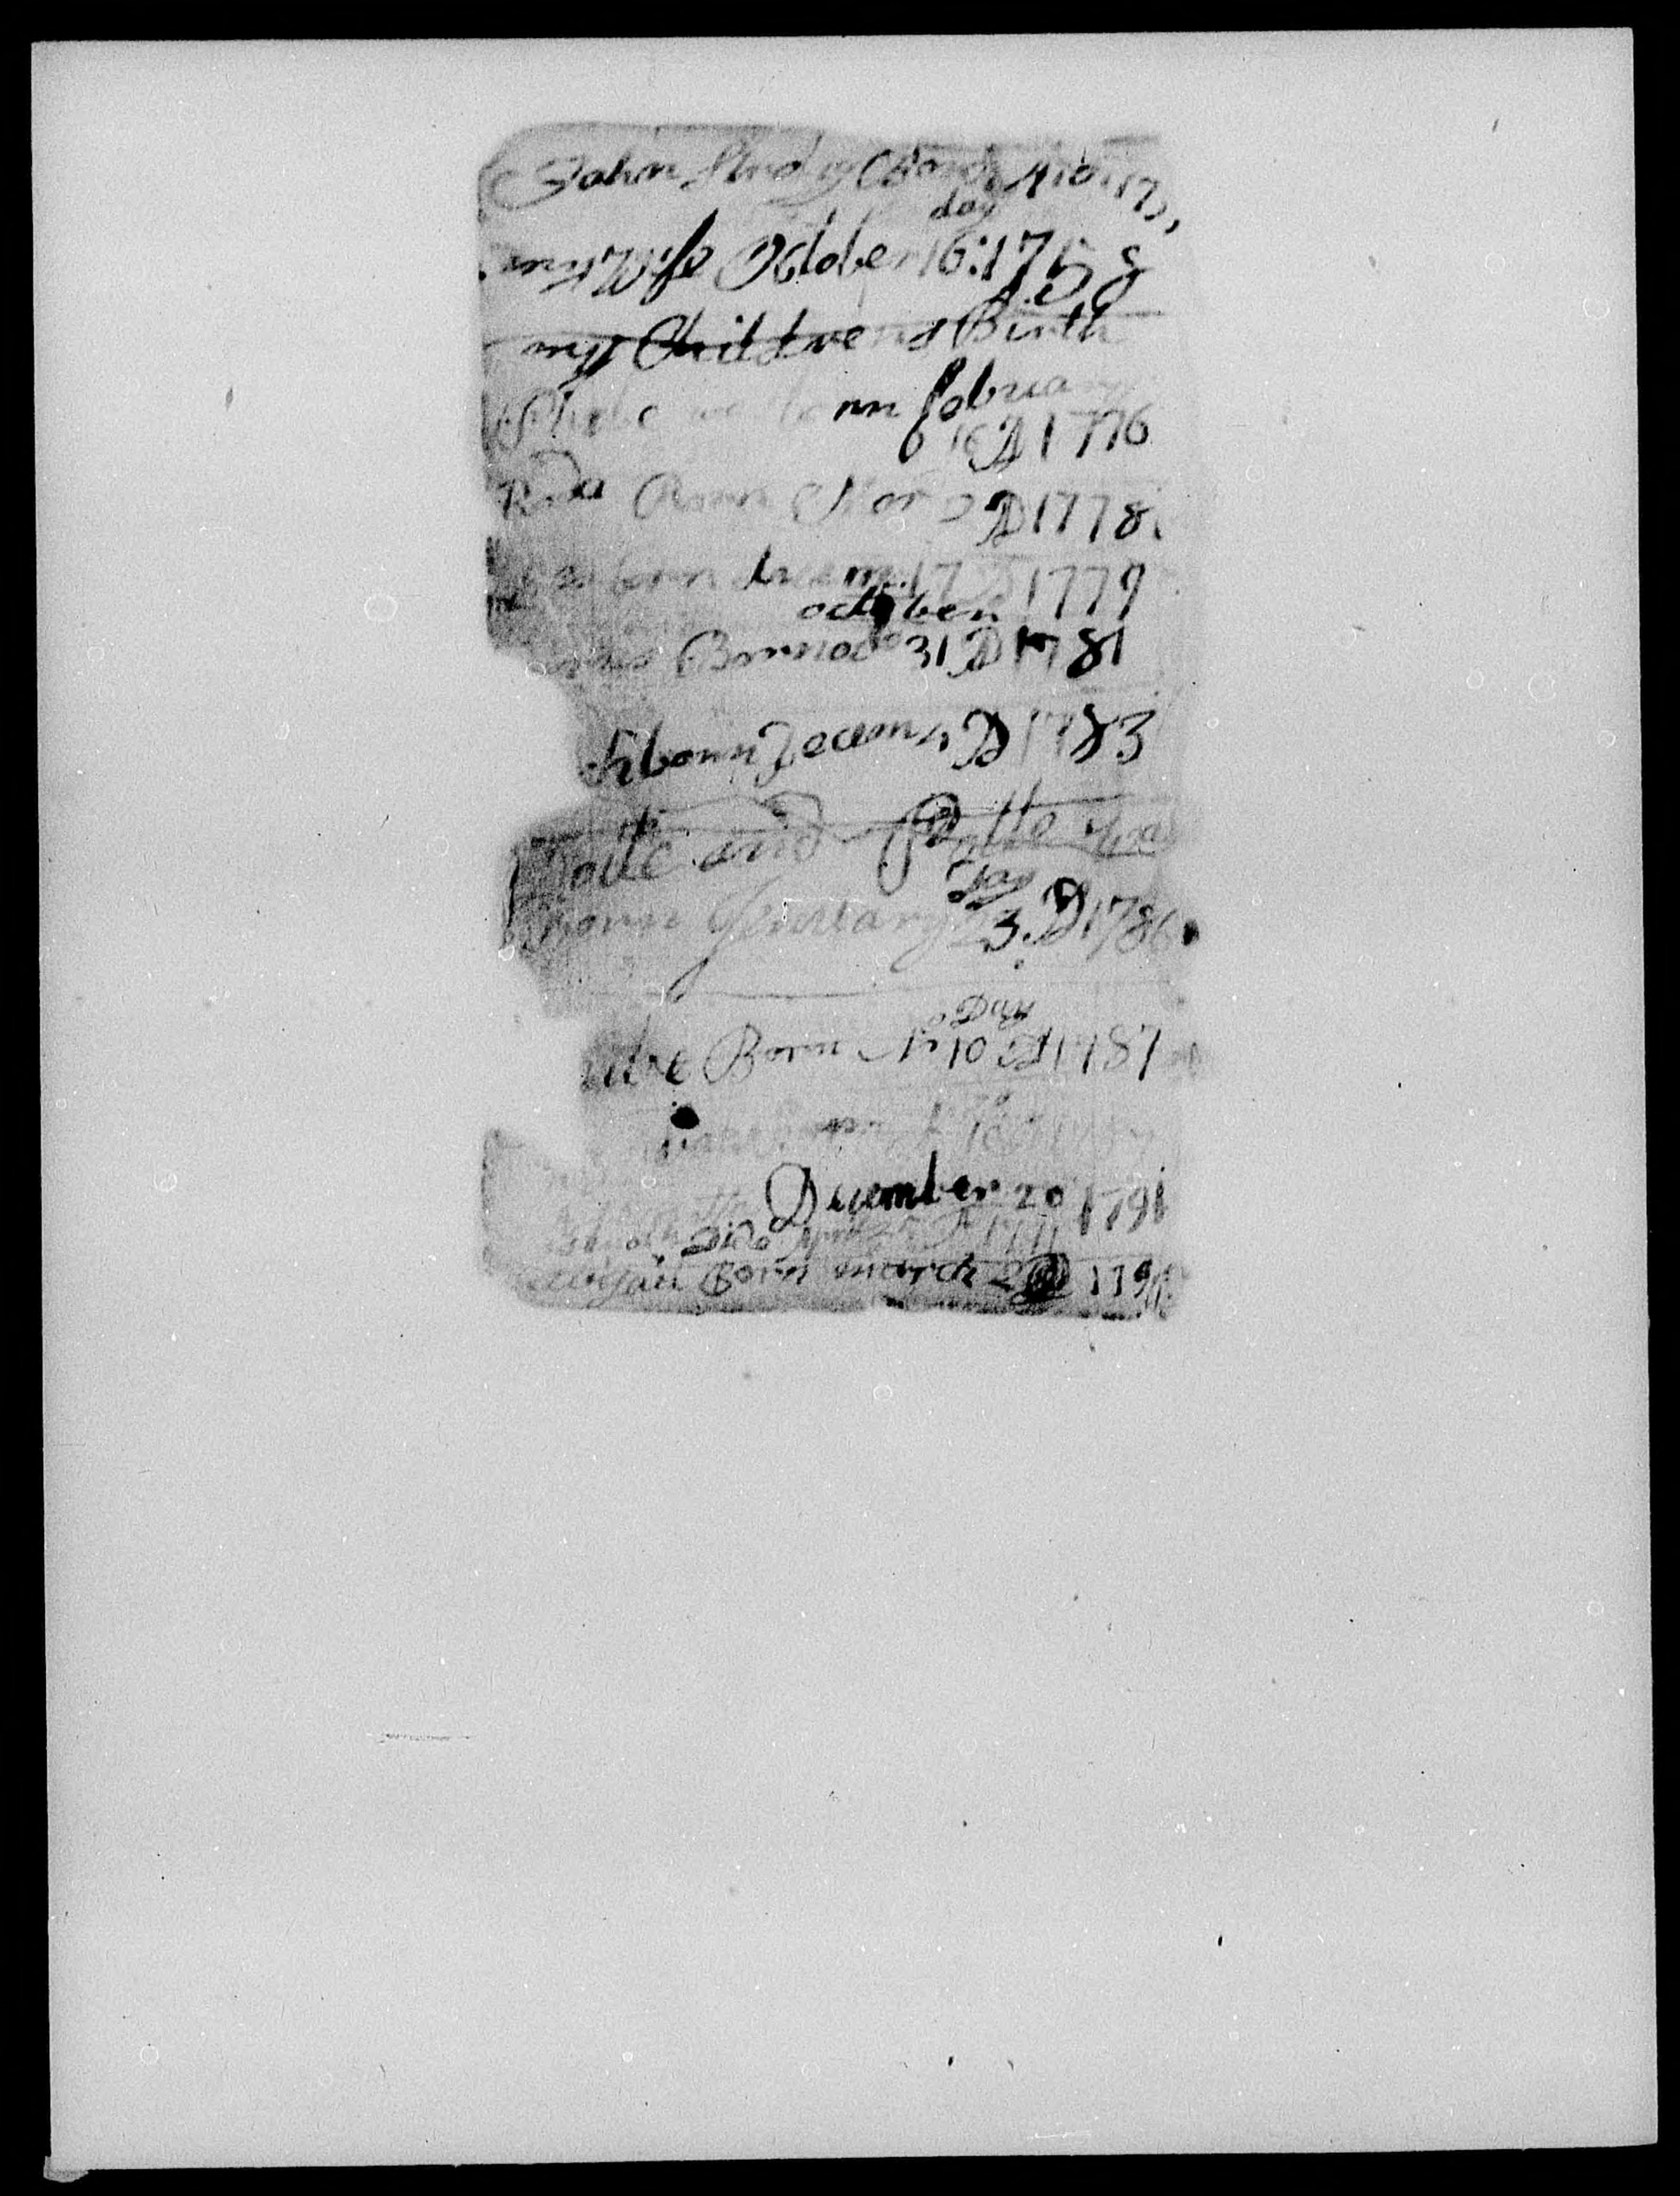John [illegible]
Wife October 16: 1758
[my Childrens Birth, crossed out]
Phebe born February 16 1776
Rosa[?] born Nov 2 A 117.
[illegible] born M[illegible] 1779
[illegible] born October 31 D 1781
[illegible] born December D 1783
[crossed out text]
born January 3 D 1786
[illegible] Born N[illegible] Day D 1787
December 20 1791
[illegible] Born March 2 D 1794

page: 11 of 33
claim: widow's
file: W. 4592, for John Strong, New York